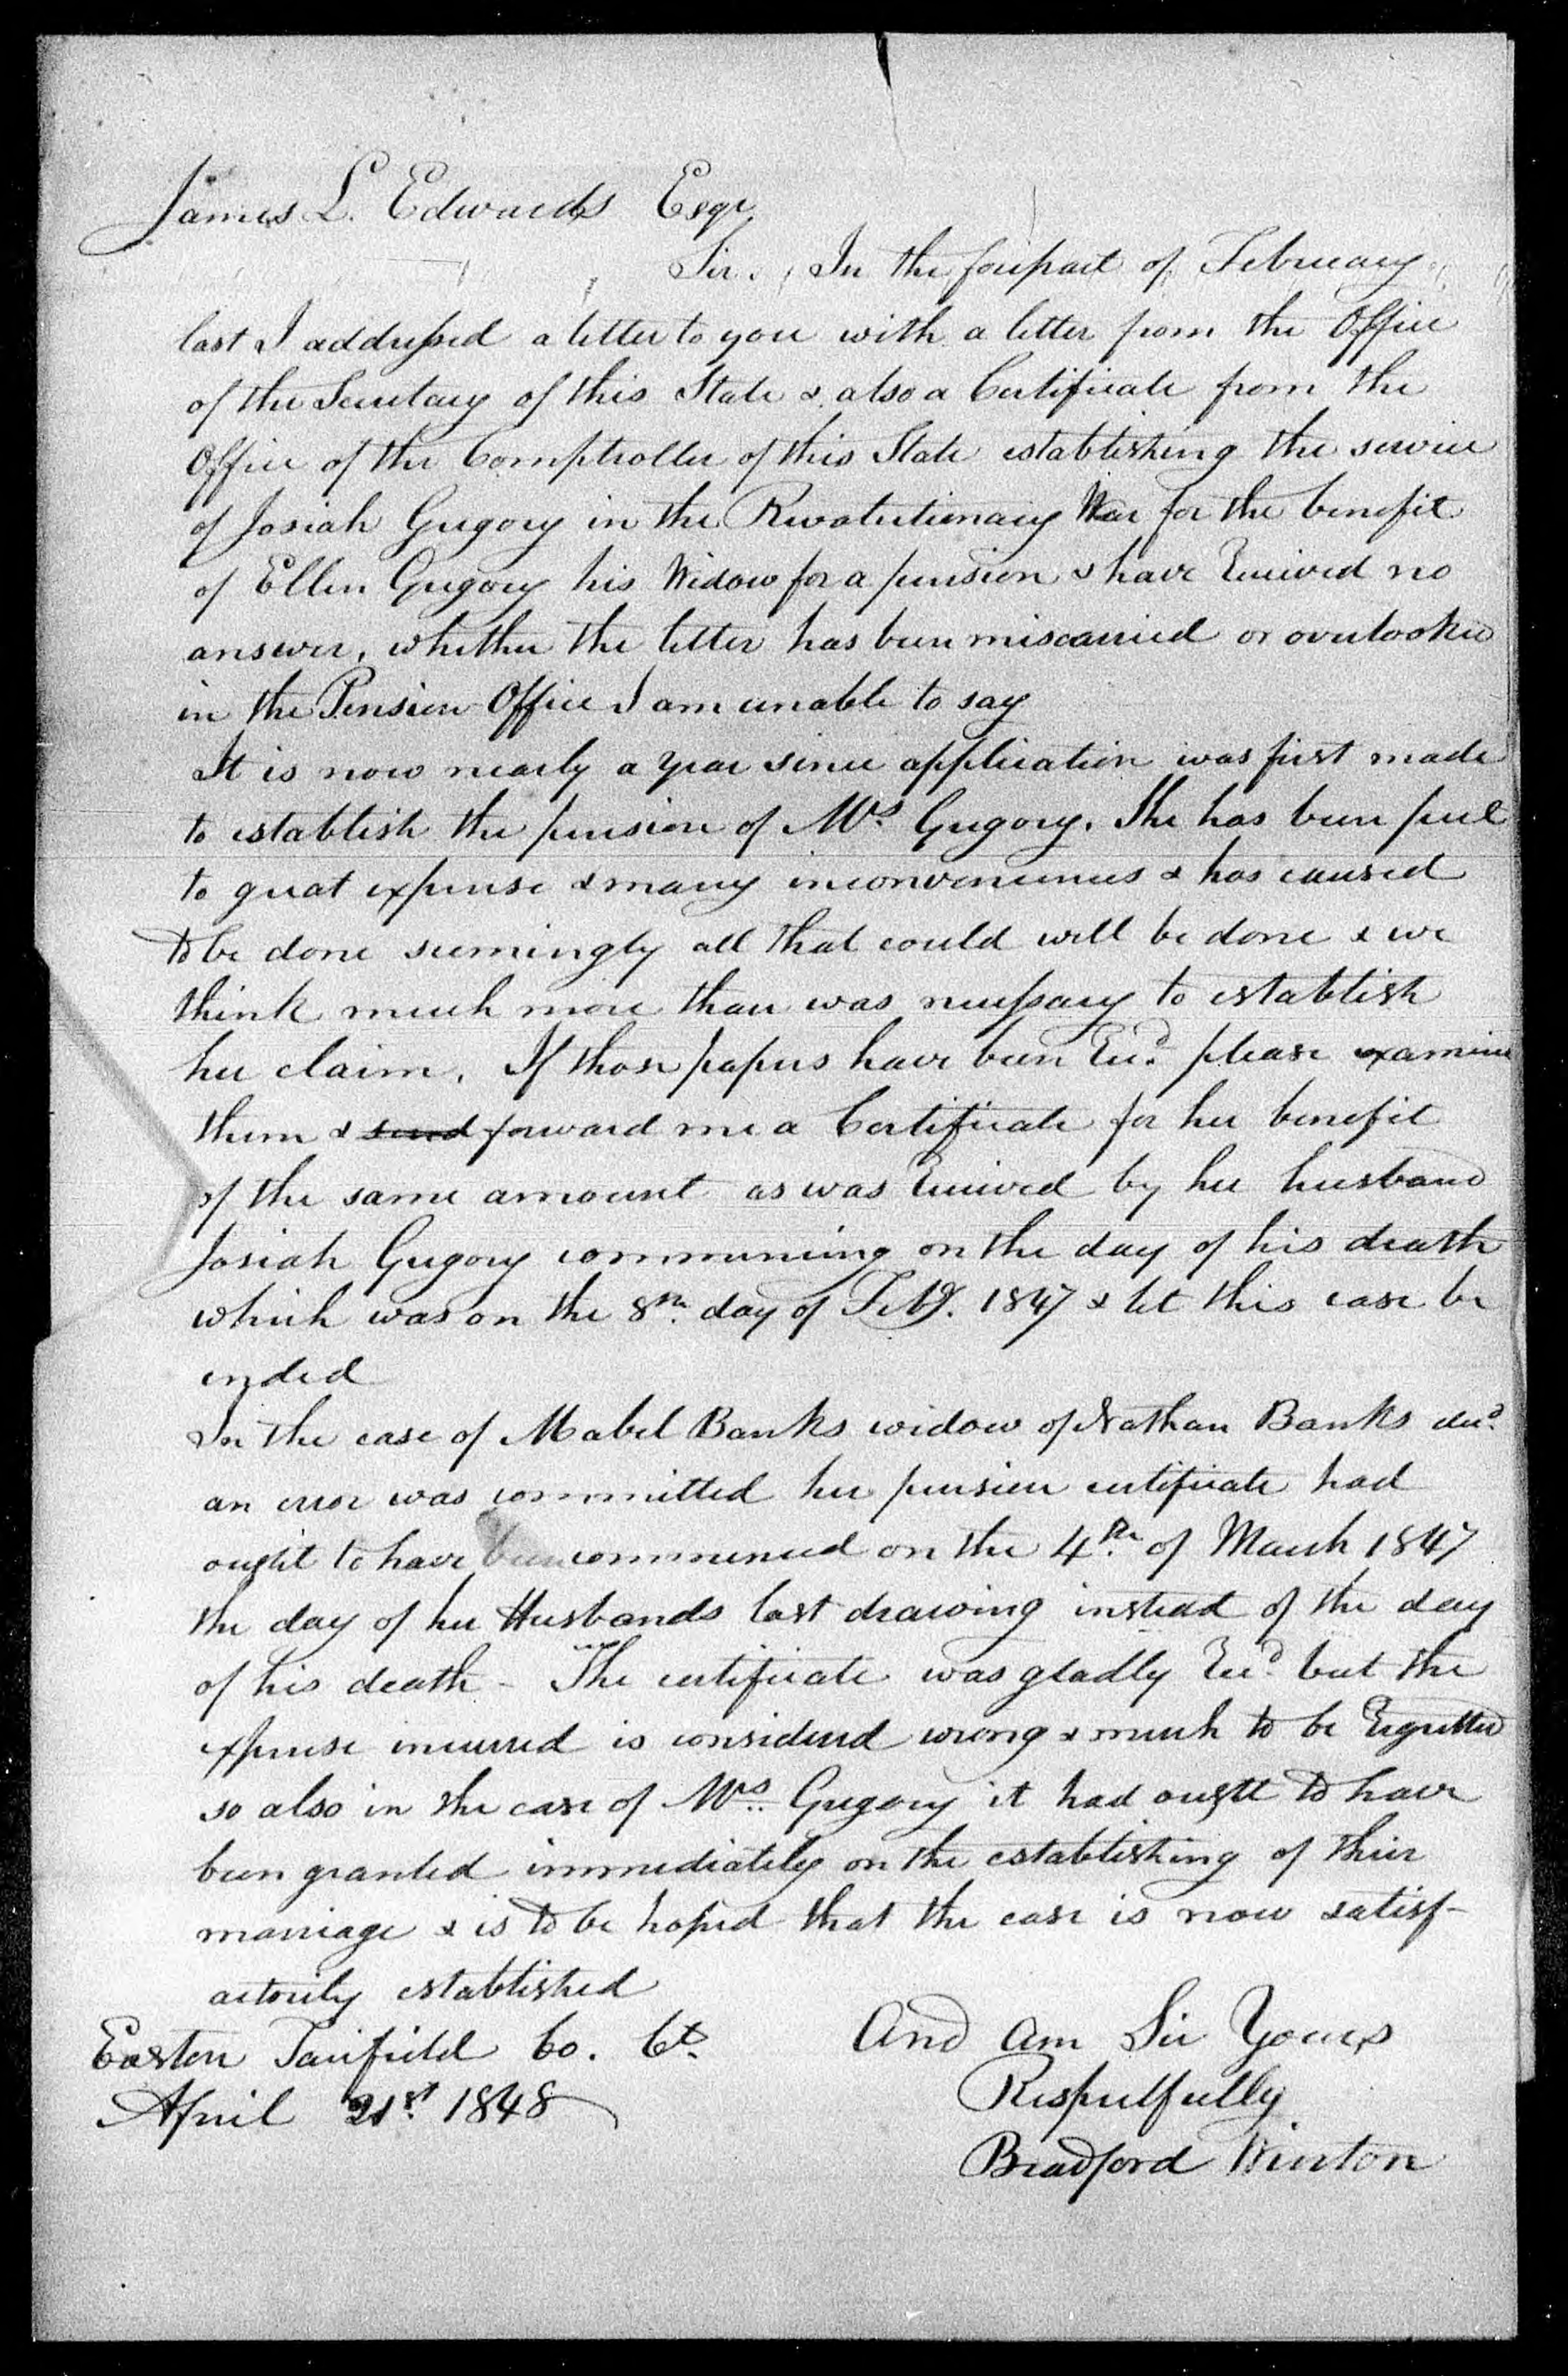James L. Edwards Esqr
Sir.  In the forepart of February last I addressed a letter to you with a letter from the Office of the Secretary of this State & also a Certificate from the Office of the Comptroller of this State establishing the service of Josiah Gregory in the Revolutionary War for the benefit of Ellen Gregory his Widow for a pension & have received no answer, whether letter has been miscarried or overlooked in the Pension Office I am unable to say
It is now nearly a year since application was first made to establish the pension of Mrs Gregory.  She has been put to great expense & many inconveniences & has caused to be done seemingly all that could well be done & we think much more than was necessary to establish her claim.  If those papers have been recd,  please examine them & [word marked out] forward me a Certificate for her benefit of the same amount as was Received by her husband Josaiah Gregory communing on the day of his death which was on the 8th day of Feby. 1846 & let this case be ended.
For the case of Mabel Banks widow of Nathan Banks decd. an error was committed her pension certificate had ought to have been commenced on the 4th of March 1847 the day of her Husbands last drawing instead of the day of his death.  The certificate was gladly Recd.  but the expense incurred is considered wrong & much to be Regretted so also in the case of Mrs. Gregory it had ought to have been granted immediately on the establishing of their marriage & is to be hoped that the case is now satisfactorily established

Easton Fairfield Co. Ct.
April 21st 1848

And am Sir Yours
Respectfully
Bradford Winton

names: Ellen Gregory, Josiah Gregory, James L Edwards, Gregory, Mabel Banks, Bradford Winton, Nathan Banks, Josiah Gregory, Gregory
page: 30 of 49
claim: widow's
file: W 24308, Josiah Gregory, Conn.